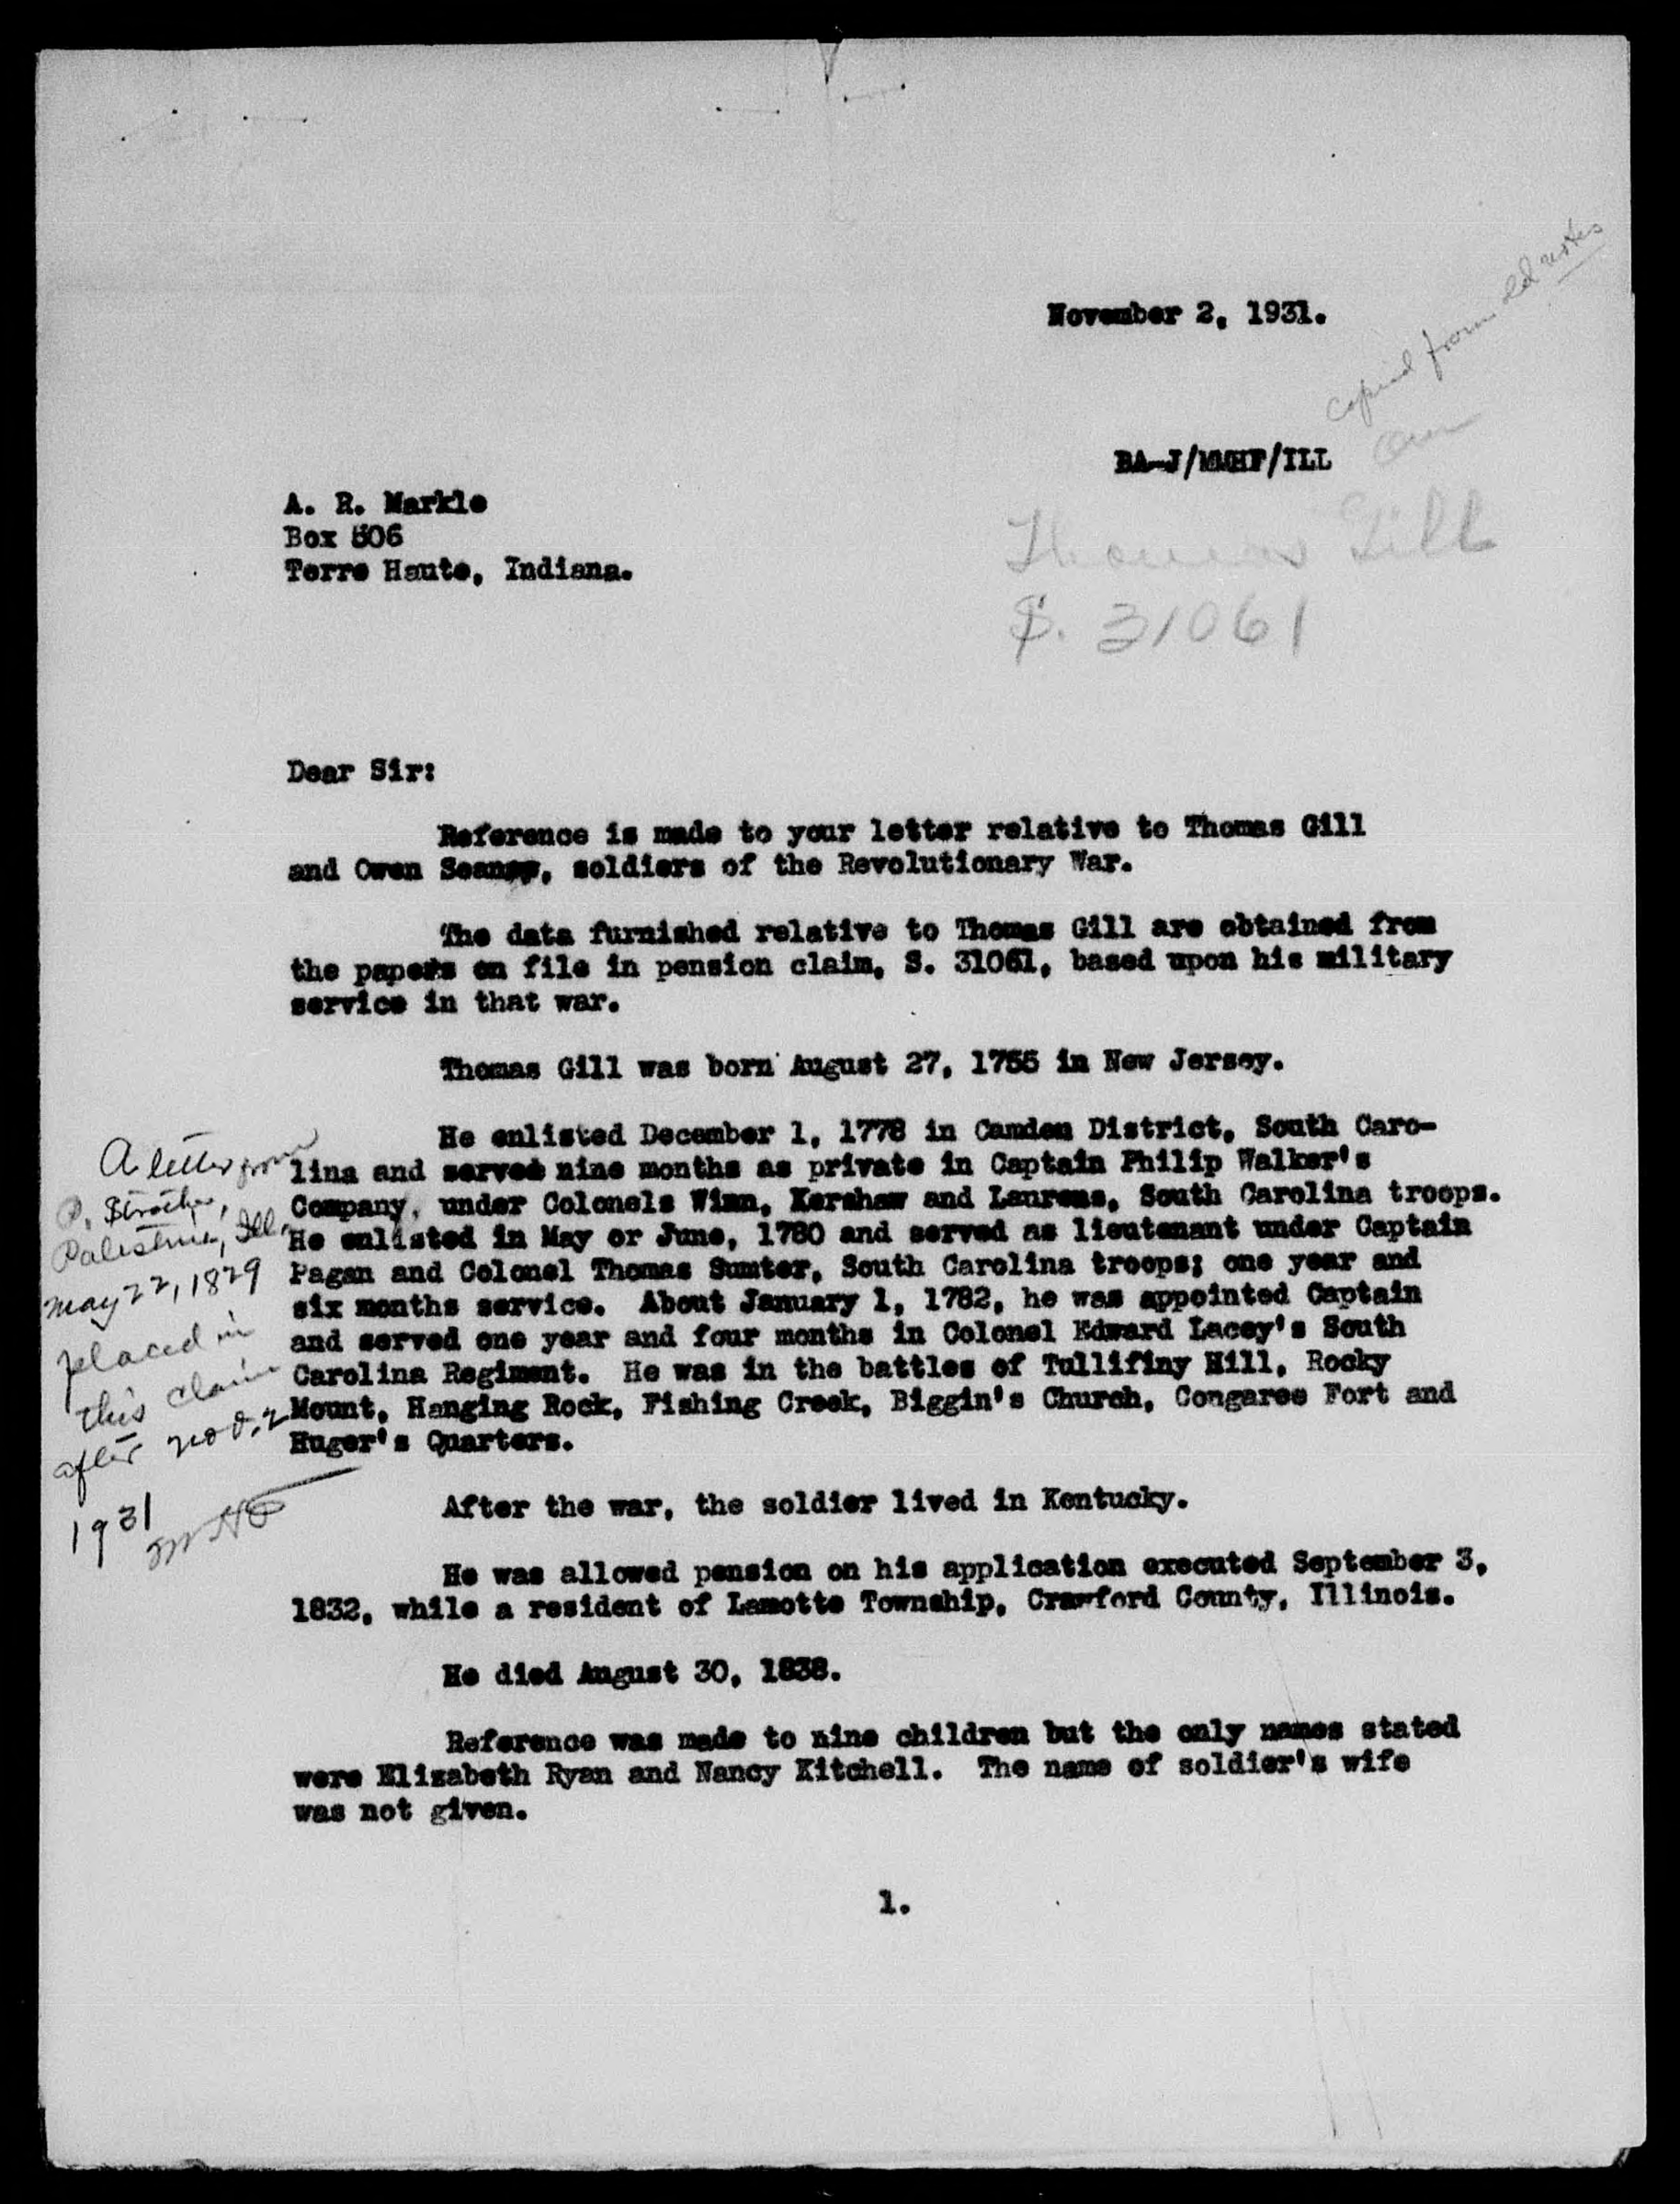November 2, 1931.
BA-J/MMHF/ILL copied from old notes Thomas Gill S.31061
A. R. Markle
Box 506
Terre Haute, Indiana.
Dear Sir:
Reference is made to your letter relative to Thomas Gill and Owen Seaney, soldiers of the Revolutionary War.
The data furnished relative to  Thomas Gill are obtained from
the papers on file in pension claim, S. 31061, based upon his military
service in that war.
Thomas Gill was born August 27, 1755 in New Jersey.
He enlisted December 1, 1778 in Camden District, South Carolina
and served nine months as private in Captain Philip Walker's Company, under Colonels Winn, Kershaw and Laurens, South Carolina troops.
He enlisted in May or June, 1780 and served as lieutenant under Captain
Pagan and Colonel Thomas Sumter, South Carolina troops; one year and
six months service. About January 1, 1782, he was appointed Captain
and served one year and four months in Colonel Edward Lacey's South
Carolina Regiment. He was in the battles of Tullifinney Hill, Rocky
Mount, Hanging Rock, Fishing Creek, Biggin's Church, Congaree Fort and
Huger's Quarters.
After the war, the soldier lived in Kentucky.
He was allowed pension on his application executed September 3,
1832, while a resident of Lemotte Township, Crawford County, Illinois.
He died August 30, 1838.
Reference was made to nine children but the only names stated were Elizabeth Ryan and Nancy Kitchell. The name of soldier's wife
was not given.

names: Thomas Gill, Thomas Gill, Laurens, Pagan, P Strother, Thomas Gill, A R Markle, Winn, Owen Seaney, Elizabeth Ryan, Nancy Kitchell, Thomas Sumter, Thomas Gill, Kershaw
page: 43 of 44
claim: survivor's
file: S. 31,061, Thomas Gill, S.C.